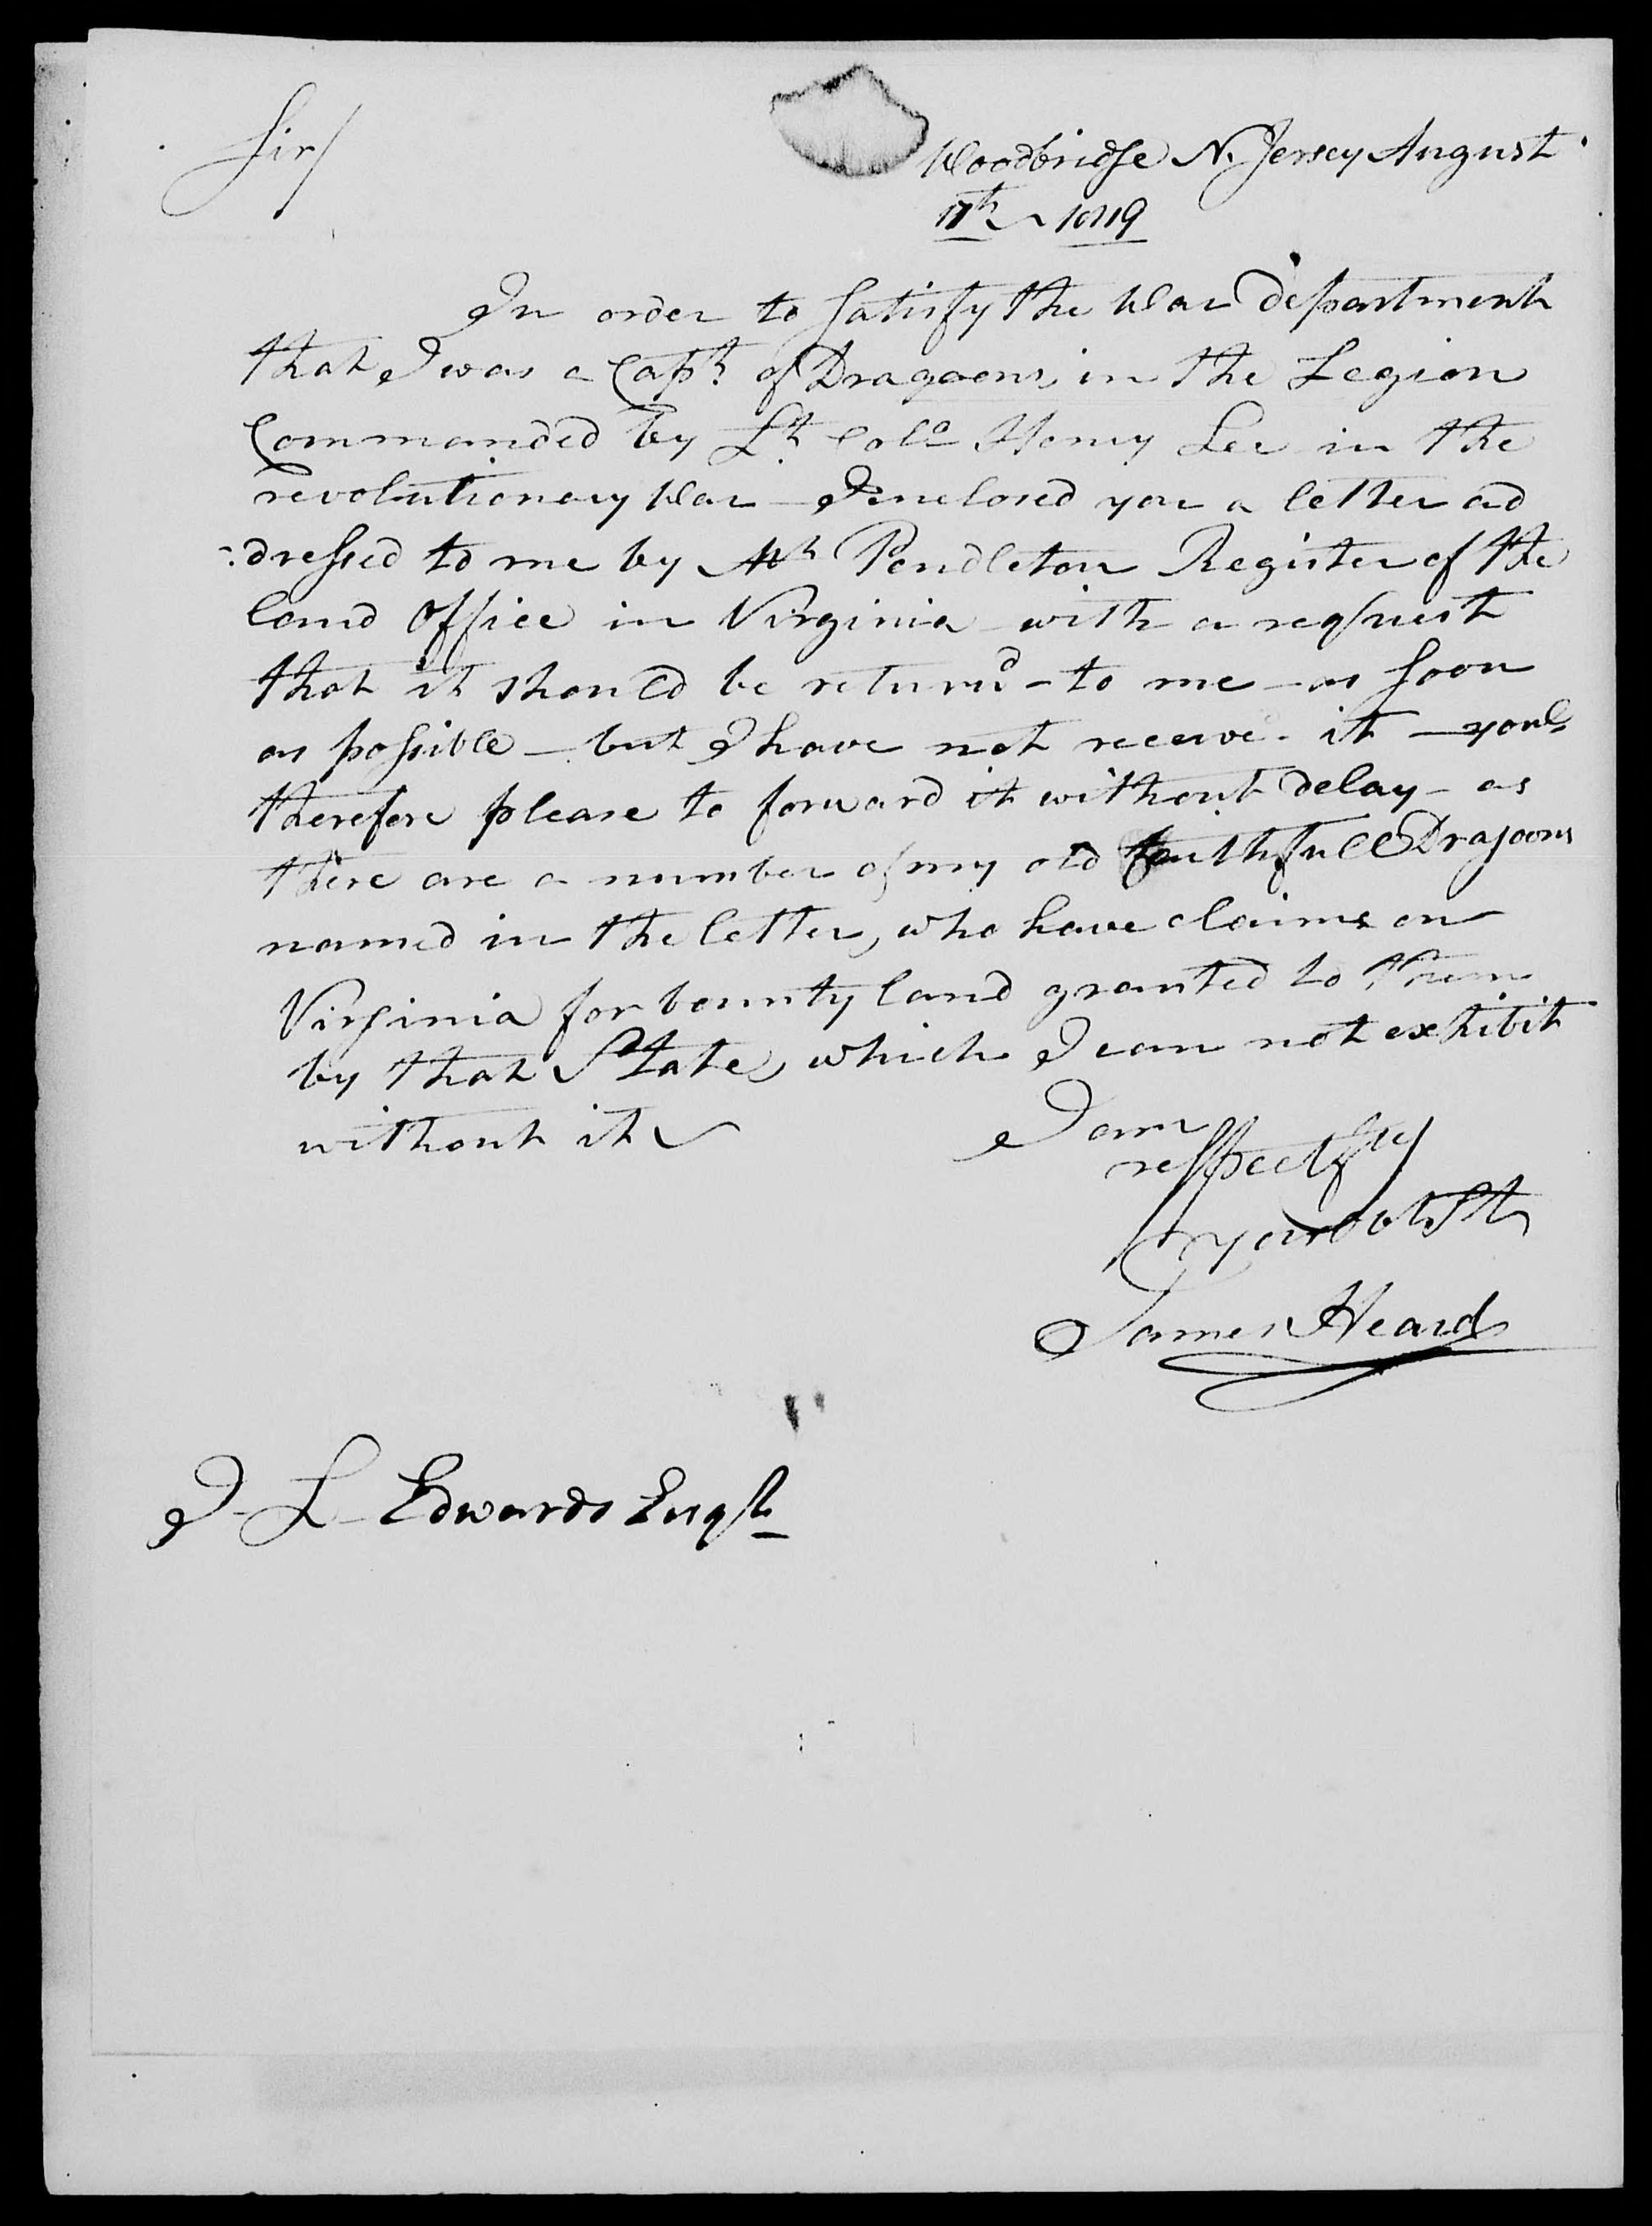Woodbridge, New Jersey August 17, 1819

In order to certify to the War Department that I was a Captain of dragoons in the Legion under the command of Lt. Col. Henry Lee in the Revolutionary War, I [also received a] letter sent to me by Mr. Pendleton, Register of the Land Office in Virginia, with a request that it will be sent back to me as soon as possible. But I have not received it yet. Therefore, please forward without delay as there are a number of my faithful dragoons named in the letter, who have claims in Virginia for bounty land granted to them by that State, which I am not [Illegible] without it.

I am respectfully your most obedient servant,
James Heard

J. L. Edwards, Esq.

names: Henry Lee, J L Edwards, James Heard, Pendleton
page: 47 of 62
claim: survivor's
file: S. 540, James Heard, Continental - New Jersey Residence In 1818